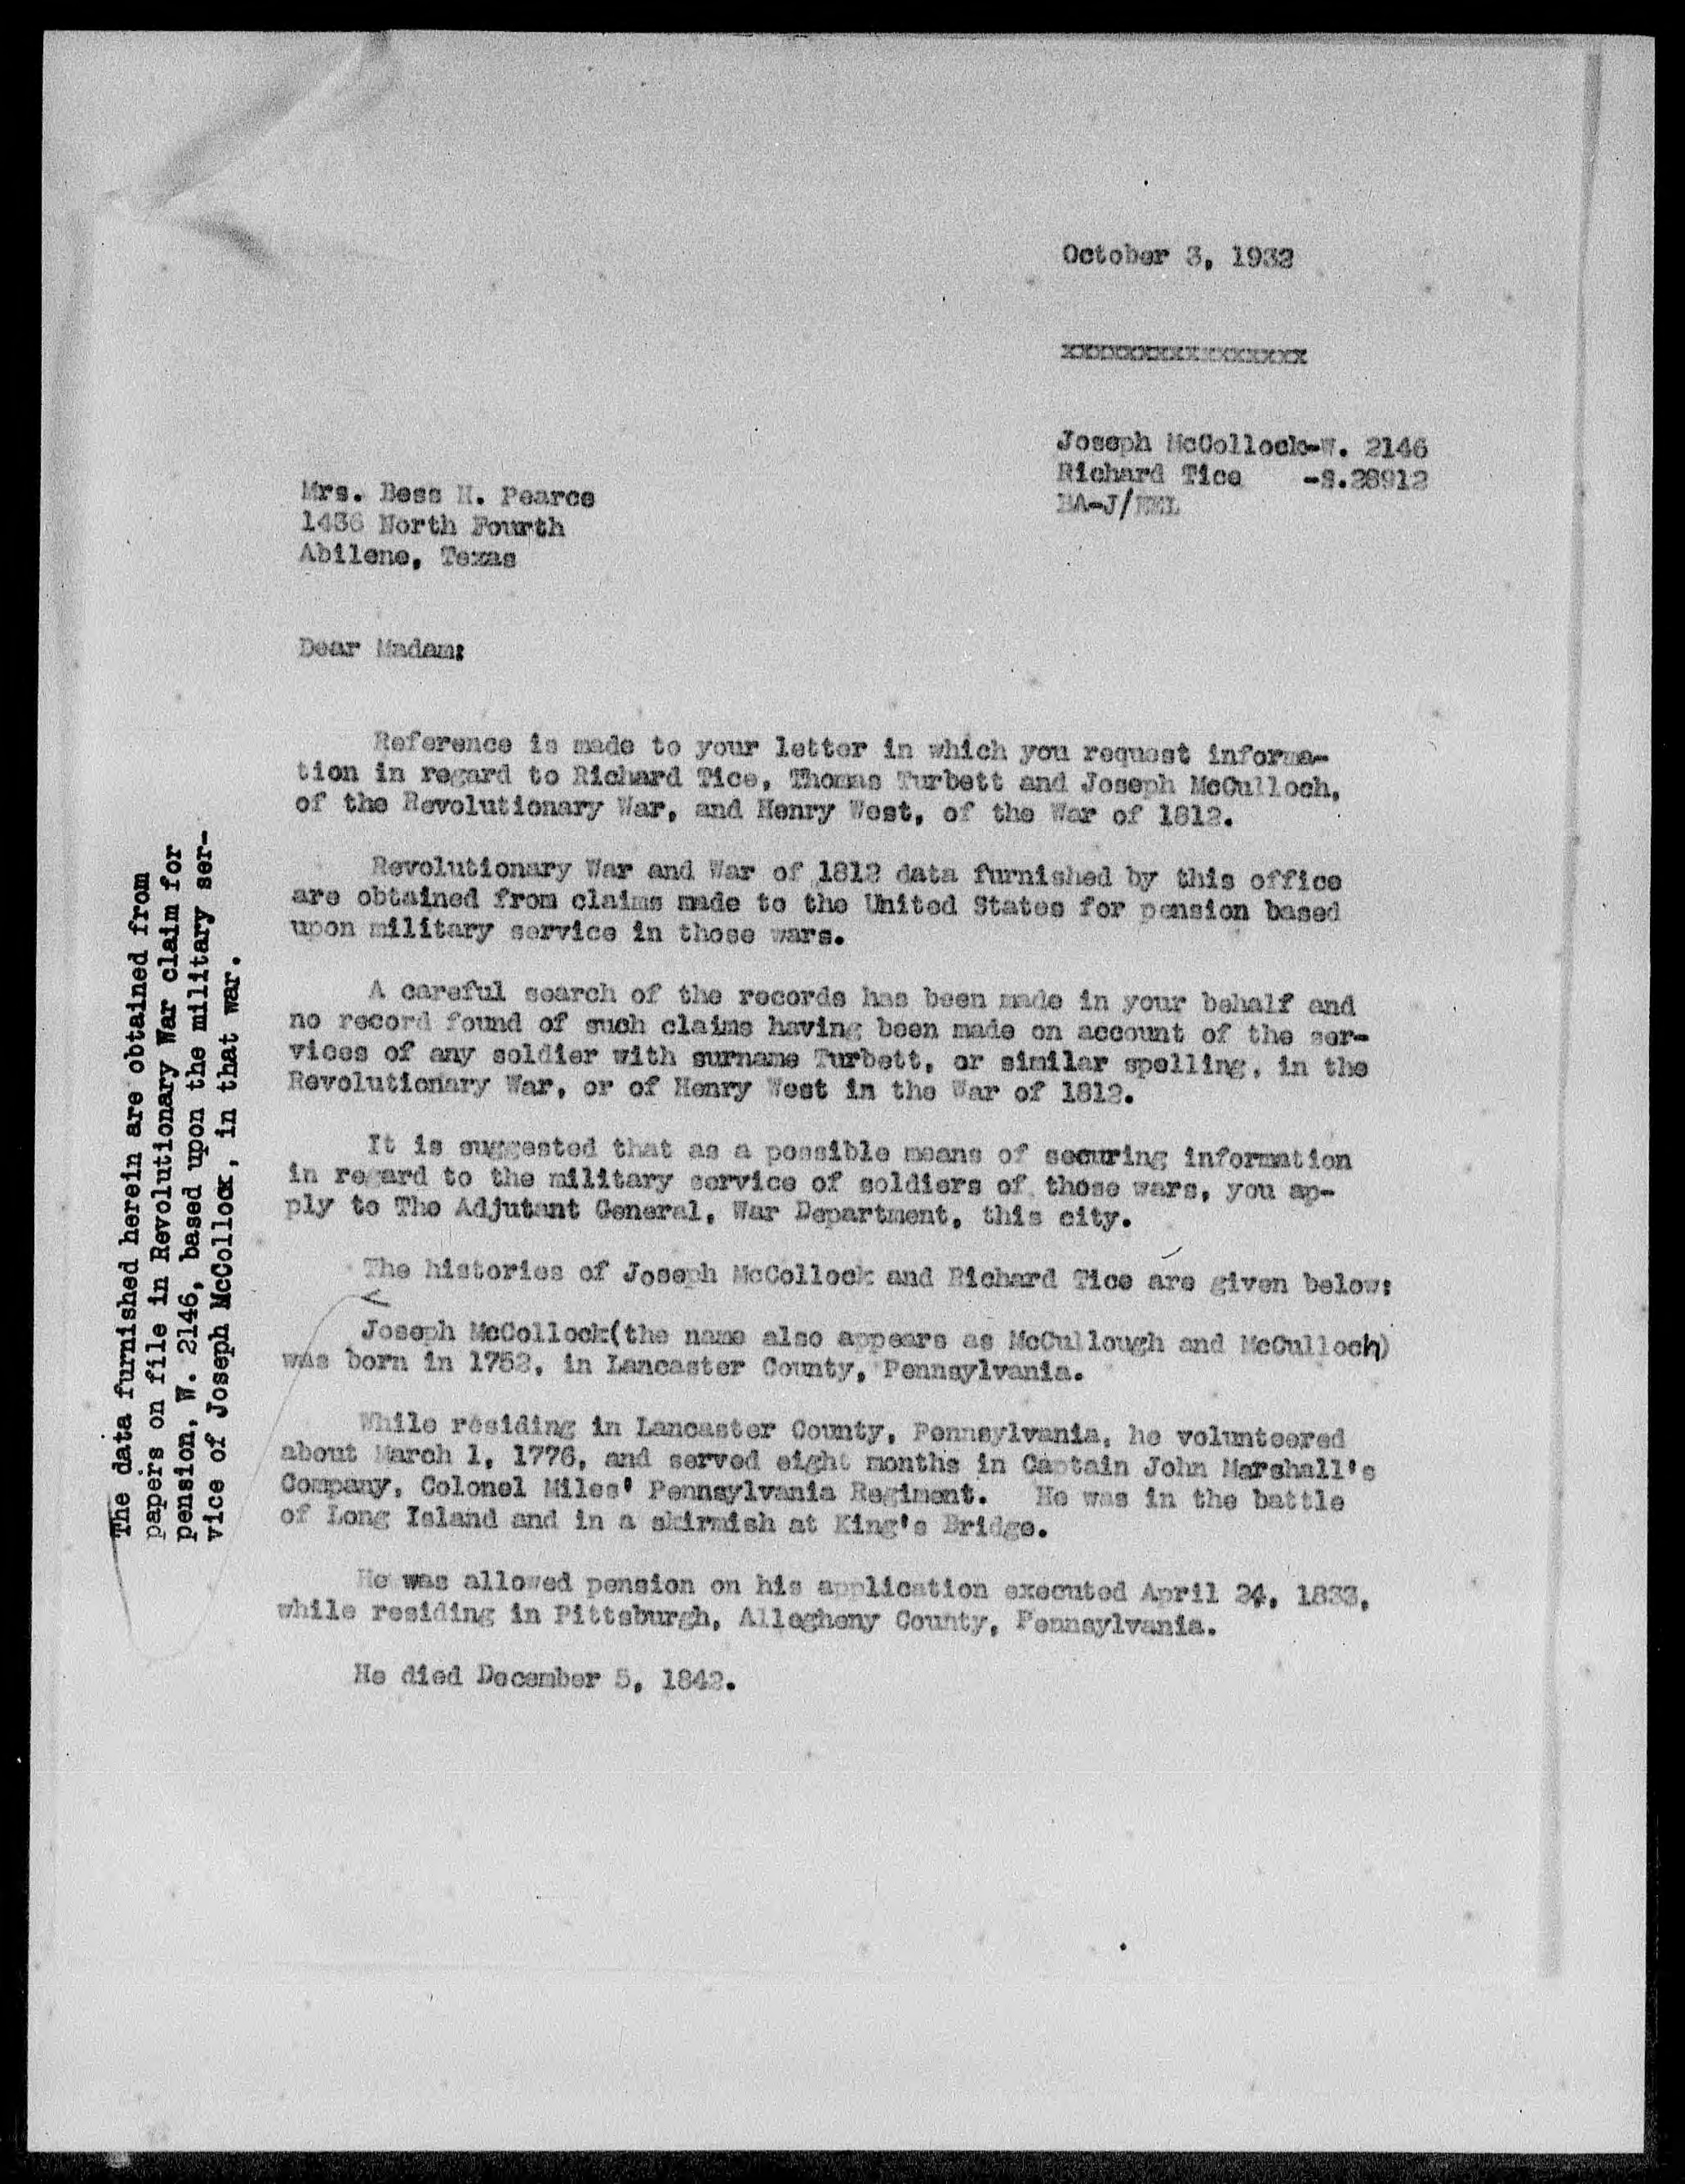October 3, 1932

xxxxxxxxxxxxxxxx

Joseph McCollock-W.2146
Richard Tice -S.28912
BA-J/EEL

Mrs. Bess H. Pearce
1436 North Fourth
Abilene, Texas

Dear Madam:

Reference is made to your letter in which you request information in regard to Richard Tice, Thomas Turbett and Joseph McCulloch, of the Revolutionary War, and Henry West, of the War of 1812.

Revolutionary War and War of 1812 data furnished by this office are obtained from claims made to the United States for pension based upon military service in those wars.

A careful search of the records has been made in your behalf and no record found of such claims having been made on account of the services of any soldier with surname Turbett, or similar spelling, in the Revolutionary War, or of Henry West in the War of 1812.

It is suggested that as a possible means of securing information in regard to the military service of soldiers of those wars, you apply to The Adjutant General, War Department, this city.

The histories of Joseph McCollock and Richard Tice are given below:

[inserted later] The data furnished herein are obtained from papers on file in Revolutionary War claim for pension, W. 2146, based upon the military service of Joseph McCollock, in that war.

Joseph McCollock (the name also appears as McCullough and McCulloch) was born in 1752, in Lancaster County, Pennsylvania.

While residing in Lancaster County, Pennsylvania, he volunteered about March 1, 1776, and served eight months in Captain John Marshall's Company, Colonel Miles' Pennsylvania Regiment. He was in the battle of Long Island and in a skirmish at King's Bridge.

He was allowed pension on his application executed April 24, 1833, while residing in Pittsburgh, Allegheny County, Pennsylvania.

He died December 5, 1842.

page: 27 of 30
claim: widow's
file: W. 2146, for Joseph Mc Collock, Pennsylvania